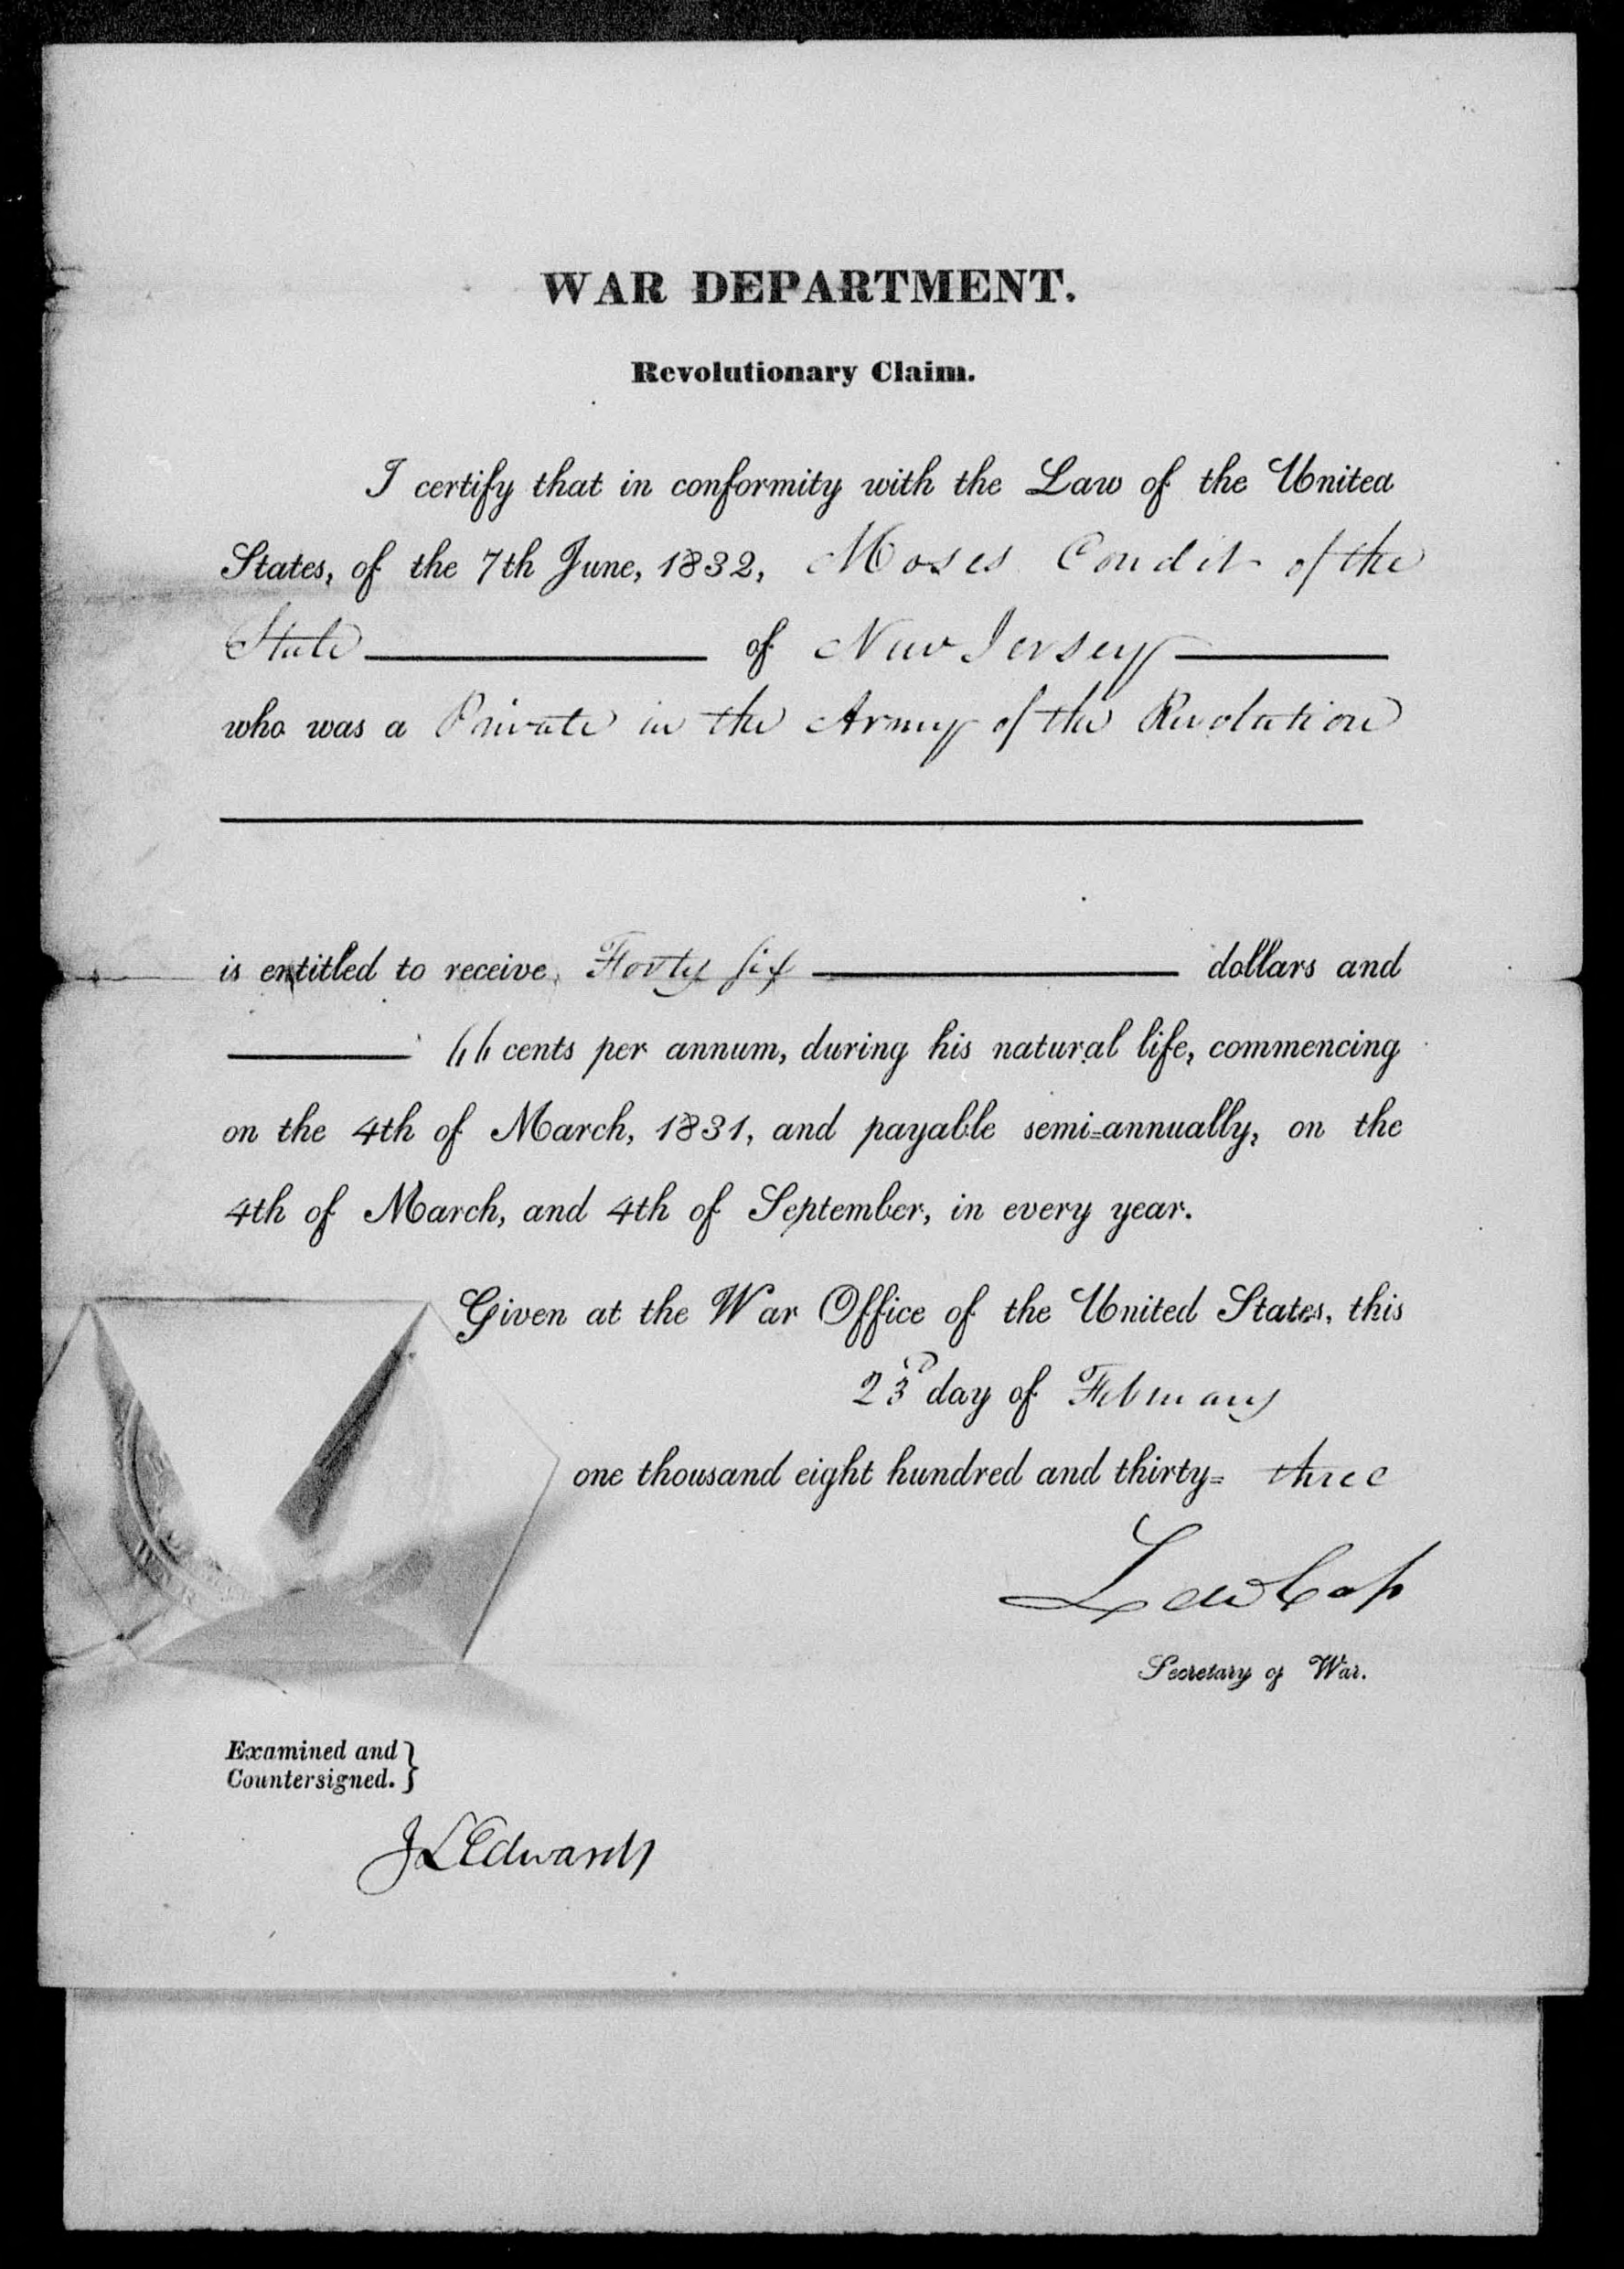WAR DEPARTMENT.
Revolutionary Claim.
I certify that in conformity with the Law of the United States , of the 7th June, 1832, Moses Condit of the State of New Jersey who
was a Private in the Army of the Revolution
is entitled to receive, forty Six dollars
and - 66 cents per annum, during his natural life, commencing on the 4th of March, 1831, and payable semi-annually, on the 4th of March, and 4th of September, in every year
Given at the War Office of the United States, this 23d day of February one thousand eight hundred and thirty three
Lew Cass
Secretary of War.
Examined and
Countersigned. }
J L Edwards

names: Lew Cass, Moses Condit, J L Edwards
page: 12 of 23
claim: survivor's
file: S. 3212, Moses Condit, New Jersey